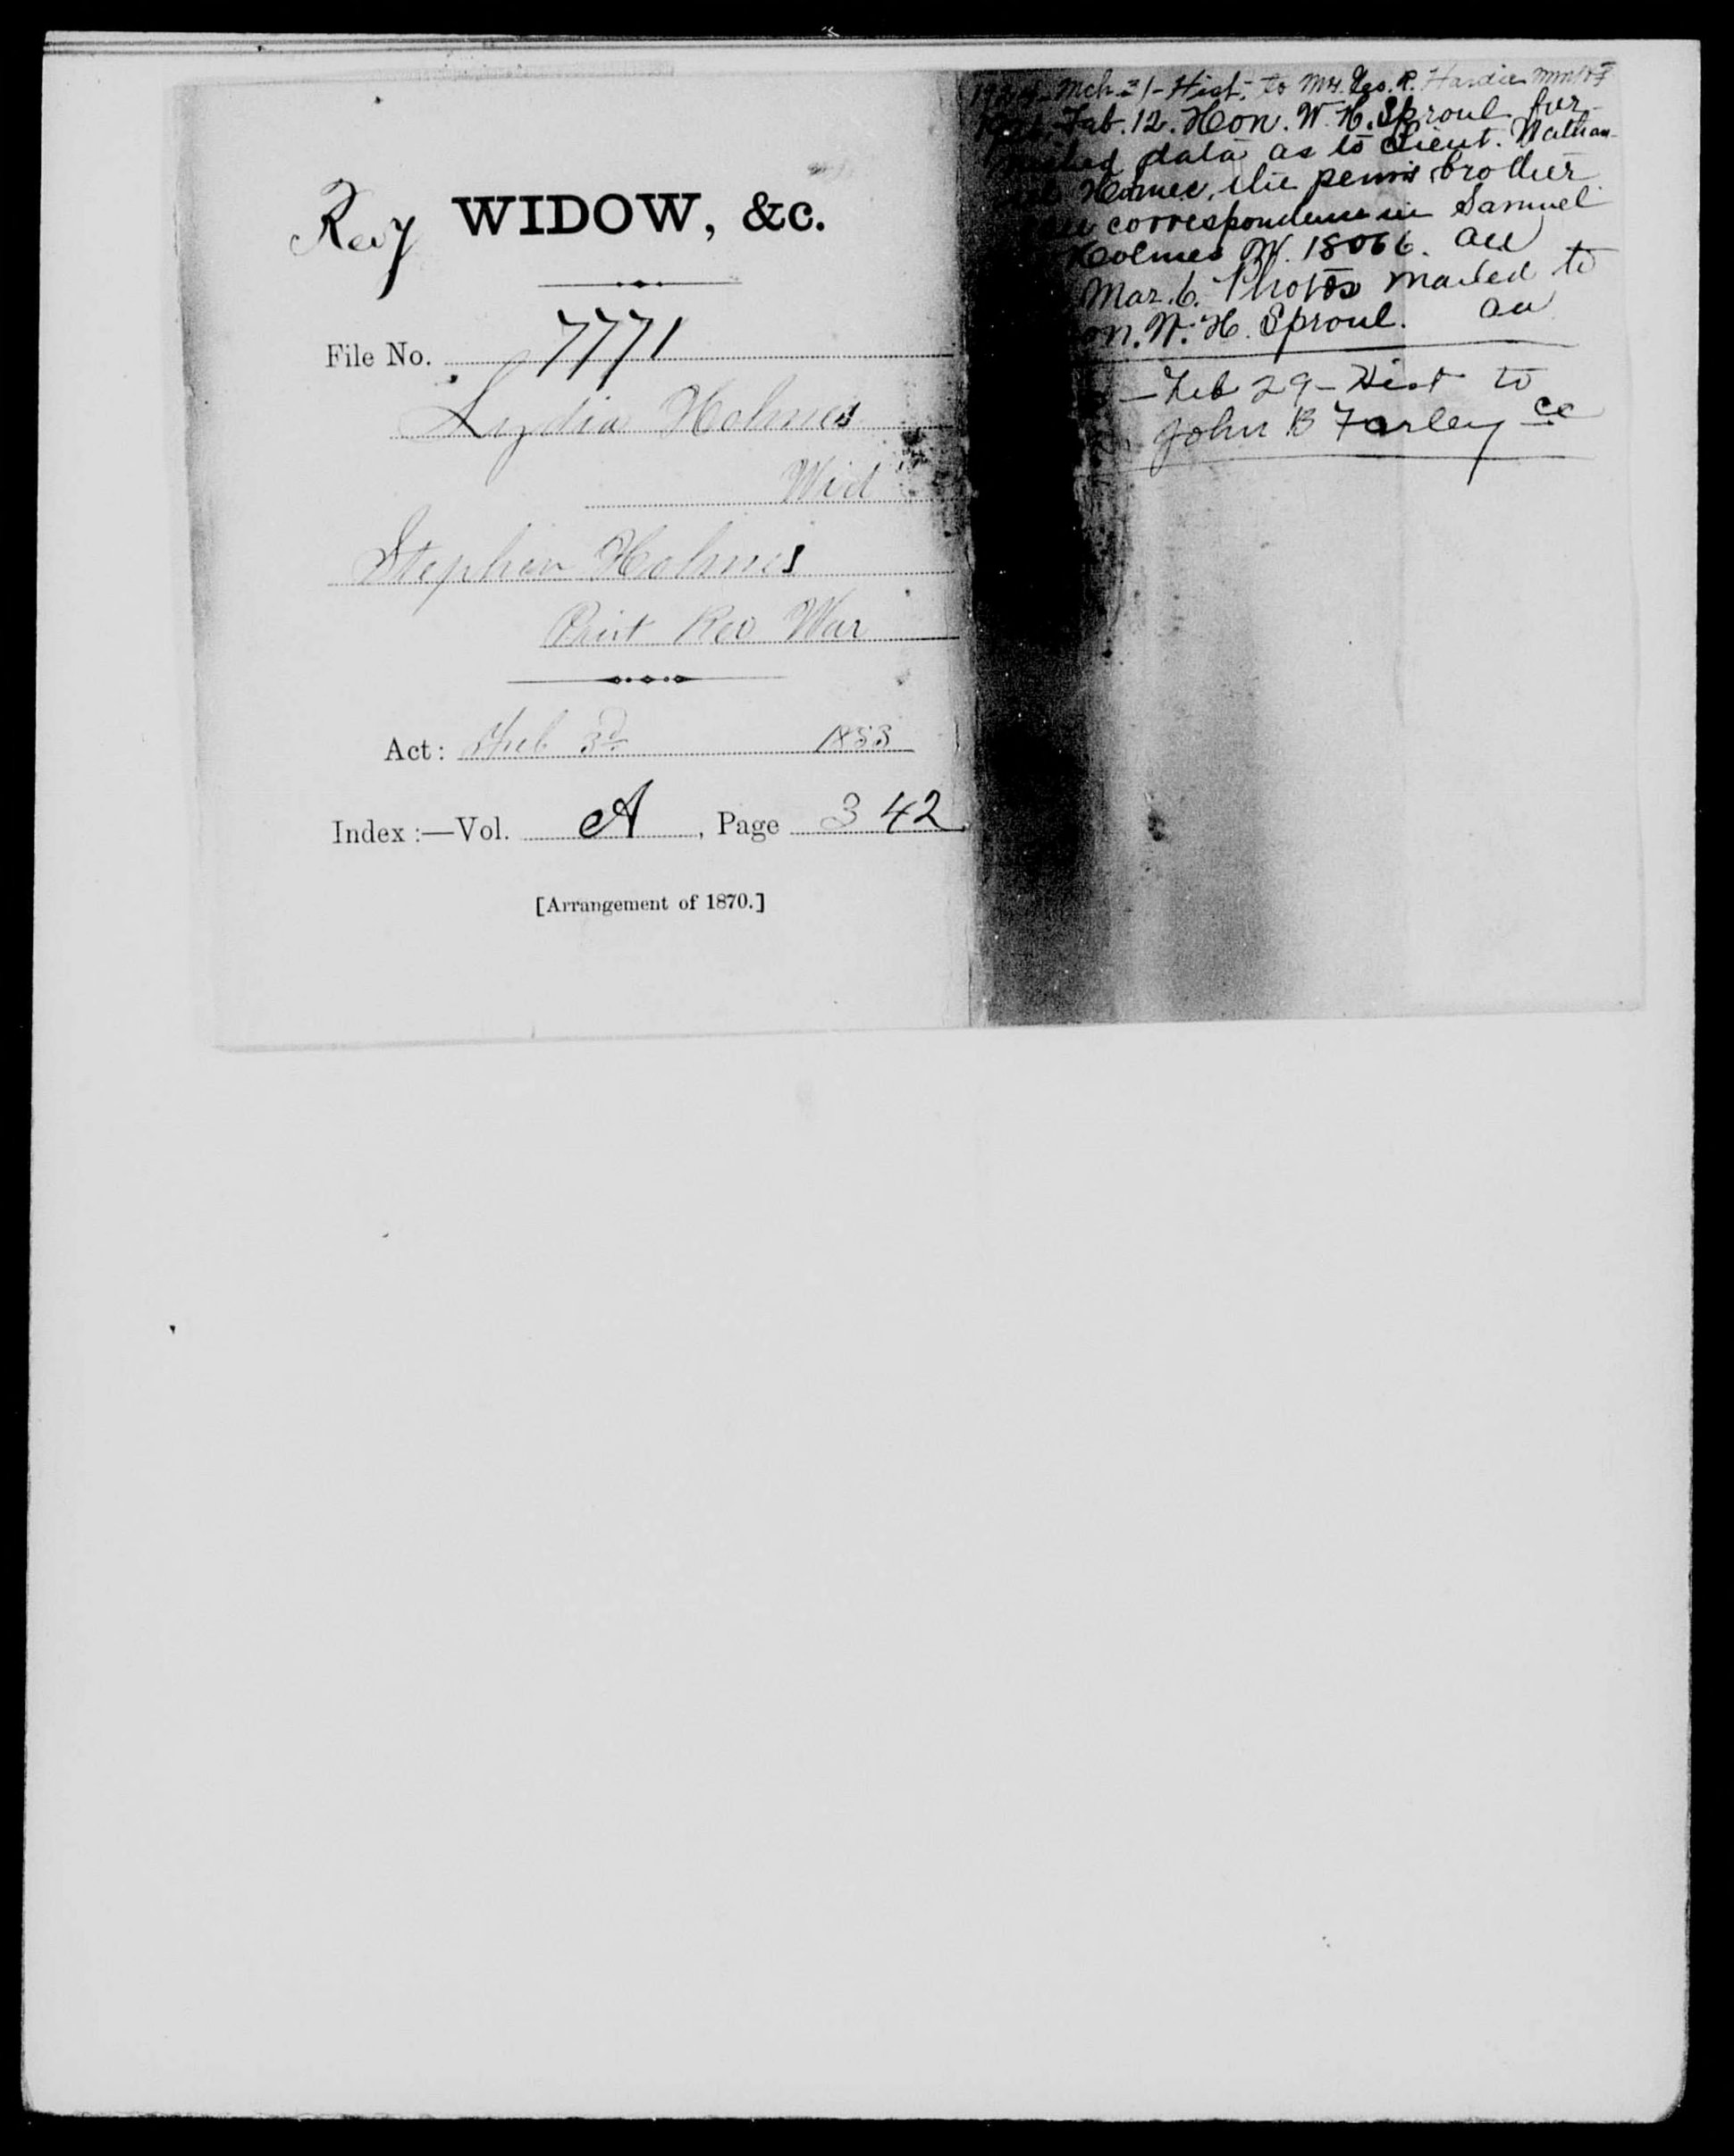Revy WIDOW, &c.

File No. 7771
Lydia Holmes
Wid
Stephen Holmes
Prvt Rev War

Act: Feb 3d 1853
Index:- Vol. A, Page 342

[Arrangement of 1870]

[illegible] Mch 1- Hist to [illegible] R. Hardin [illegible] Feb. 12. Hon W. H. Sproul fur-[illegible] data as to Lieut. Nathan [illegible] Holmes, this pen's brother [illegible] correspondence [illegible] Samuel Holmes W. 18066. All [illegible] Mar. 6. Photos mailed to [illegible] Hon. W. H. Sproul. [Illegible]

Feb 29- Hist to [illegible] John B Farley- [illegible]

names: Geo R Hardie, W H Sproul, Lydia Holmes, Nathaniel Holmes, John B Farley, W H Sproul, Samuel Holmes, Stephen Holmes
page: 25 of 72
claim: widow's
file: W. 7771, Stephen Holmes, Vt.